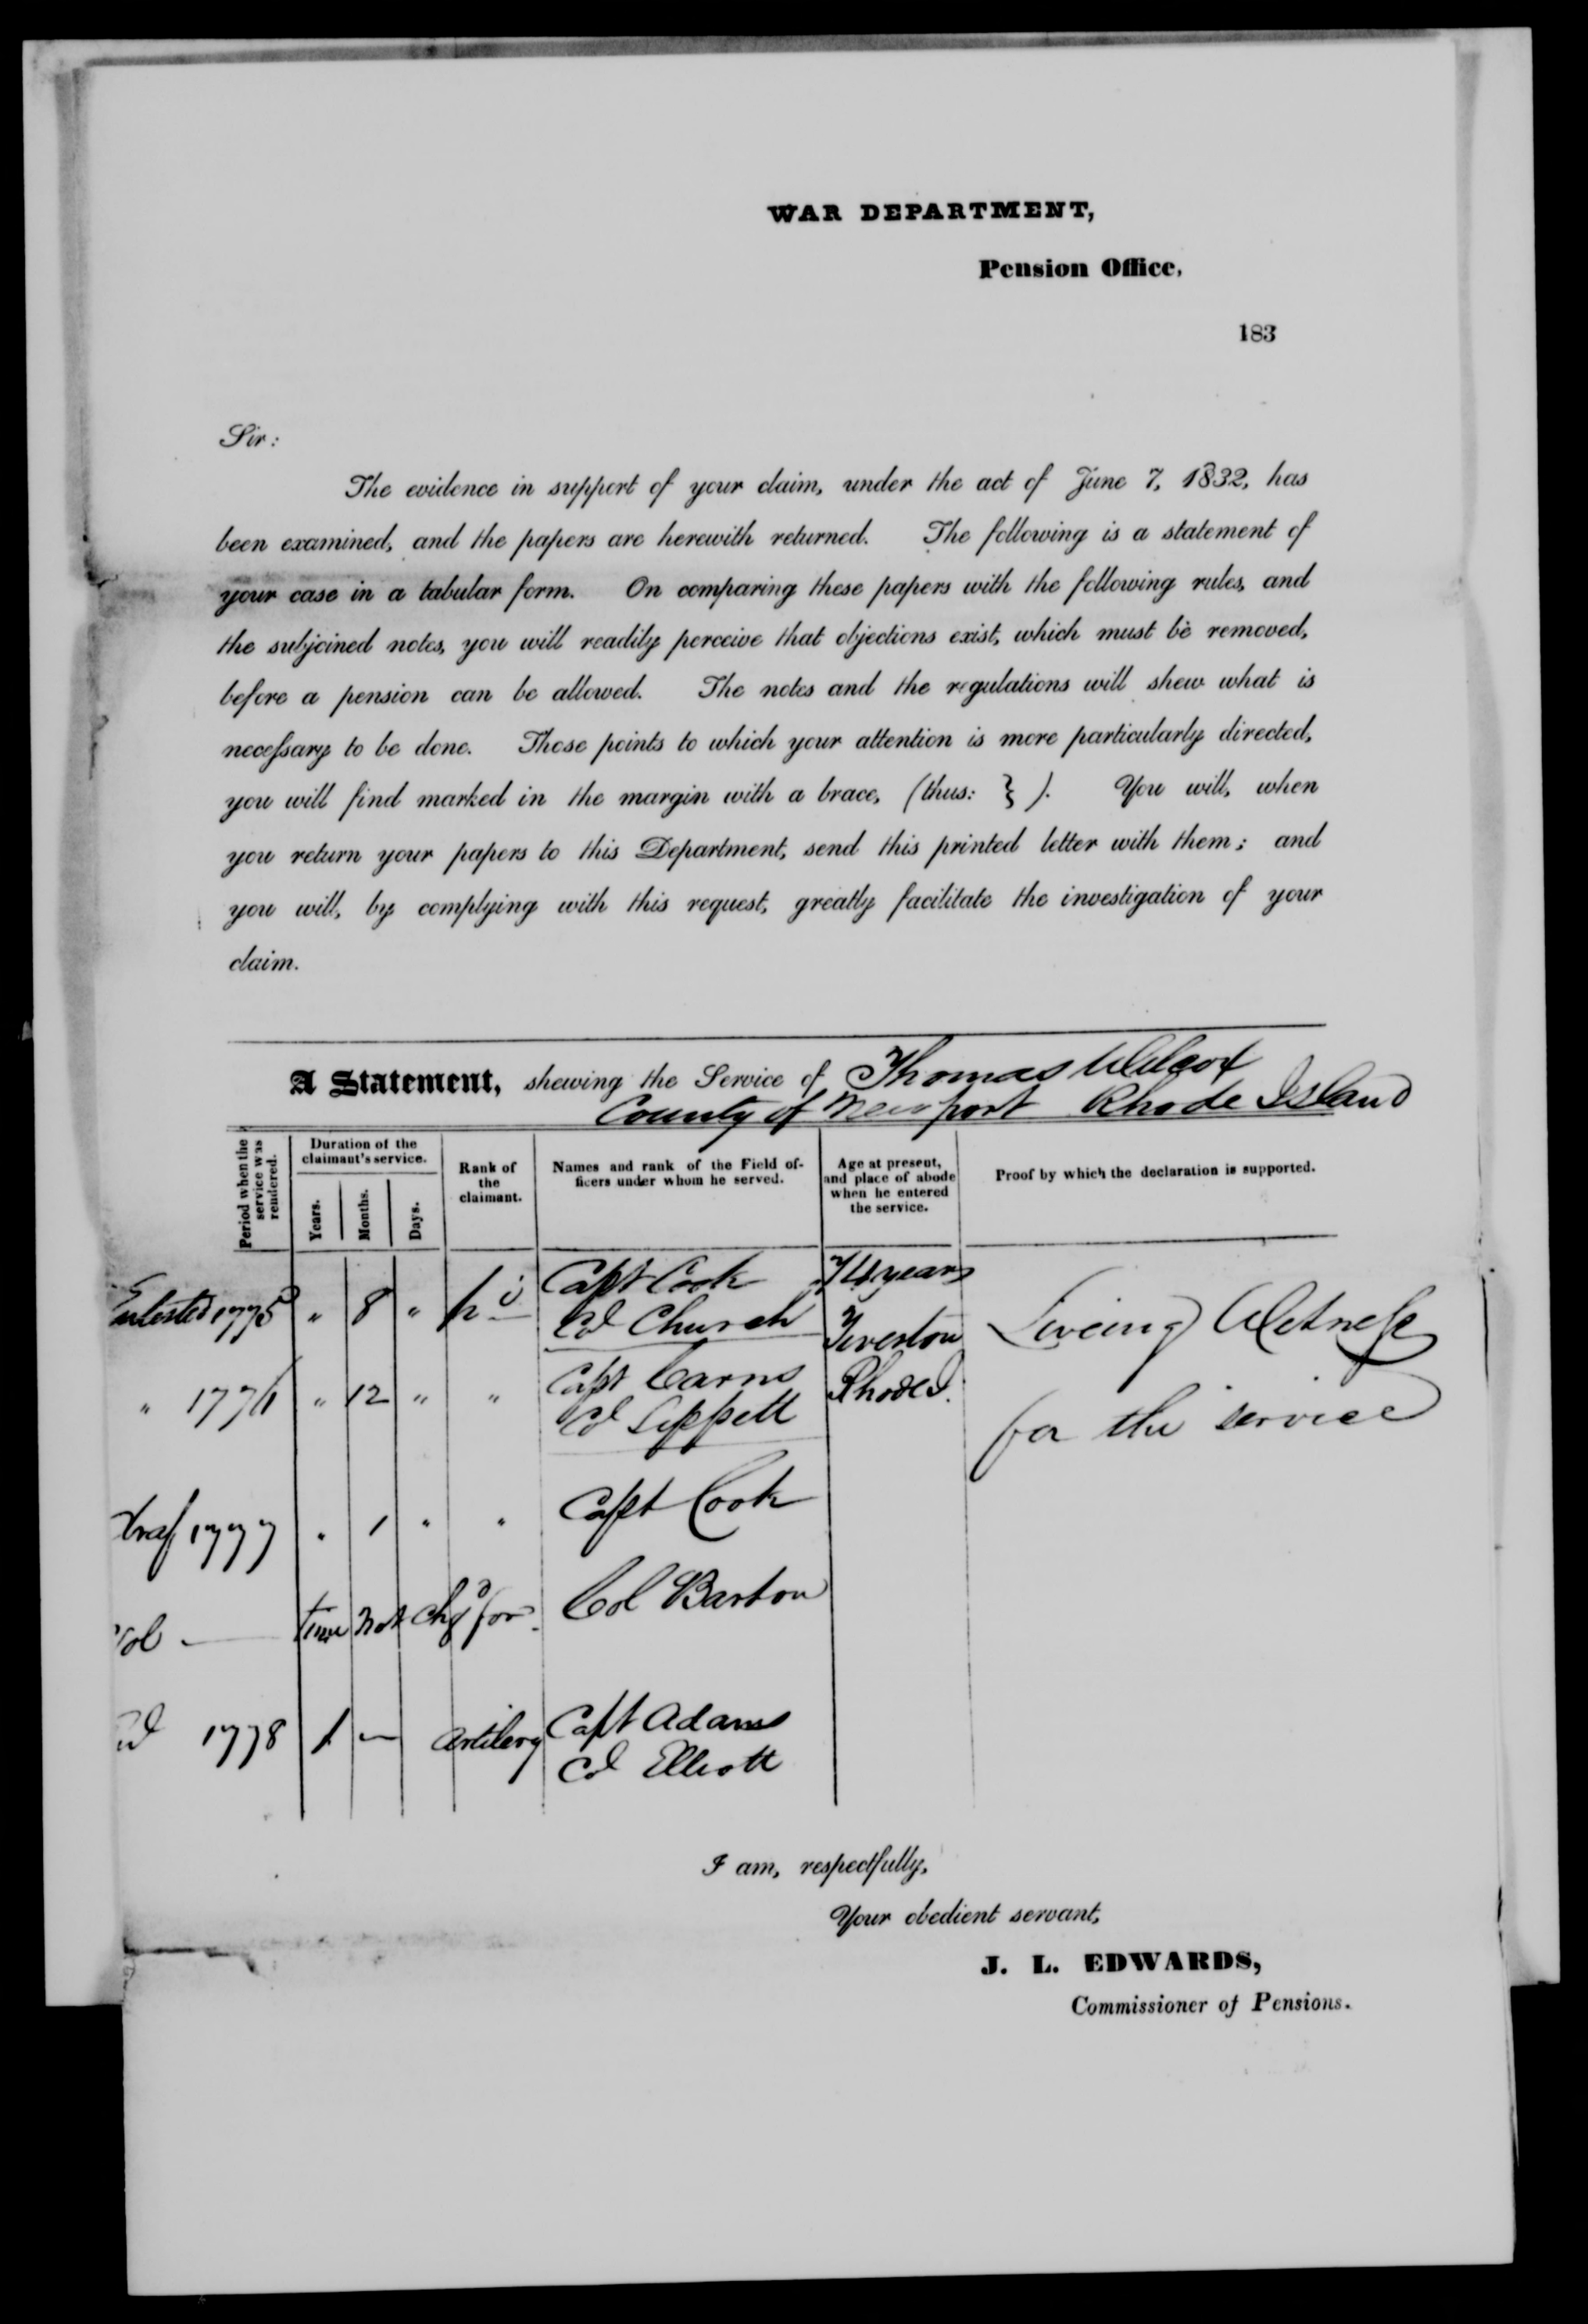WAR DEPARTMENT,
Pension Office,
183
Sir:
The evidence in support of your claim, under the act of June 7, 1832, has
been examined, and the papers are herewith returned. The following is a statement of
your case in a tabular form. On comparing these papers with the following rules, and
the subjoined notes, you will readily perceive that objections exist, which must be removed,
before a pension can be allowed. The notes and the regulations will shew what is
necessary to be done. Those points to which your attention is more particularly directed,
you will find marked in the margin with a brace, (thus: }). You will, when
you return your papers to this Department, send this printed letter with them; and
you will, by complying with this request, greatly facilitate the investigation of your
claim.


A Statement, Shewing the Service of Thomas Wilcox County of Newport Rhode Island


[Column Headings: Period when service was rendered. Duration of the
claimant's service. sub column Years. Months. Days. Rank of the claimant. Names and rank of the Field officers under whom he served. Age at present, an place of abode when he entered the service. Proof by which the declaration is supported.]

Enlisted 1775. 1775 8 0. [illegible].  Capt Cook Col Church. 74 years Tiverton Rhode I. Living Witness
for the service

" [Enlisted] 1776. 1776
12 0. [illegible] Capt Carns Col Lippett.

Draft 1777. 1777 1 0. [illegible]. Capt Cook.

Vol-time not chg For?. Col Bardon

[illegible] 1778.-for Artillery. Capt Adams Col Elliott.

I am, respectfully,
Your obedient servant,
J. L. EDWARDS,
Commissioner of Pensions.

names: Carns, Elliott, Barton, J L Edwards, Thomas Wilcox, Church, Lippett, Adams, Cook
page: 18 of 39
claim: widow's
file: W. 26046, Thomas Willcox, R.I.